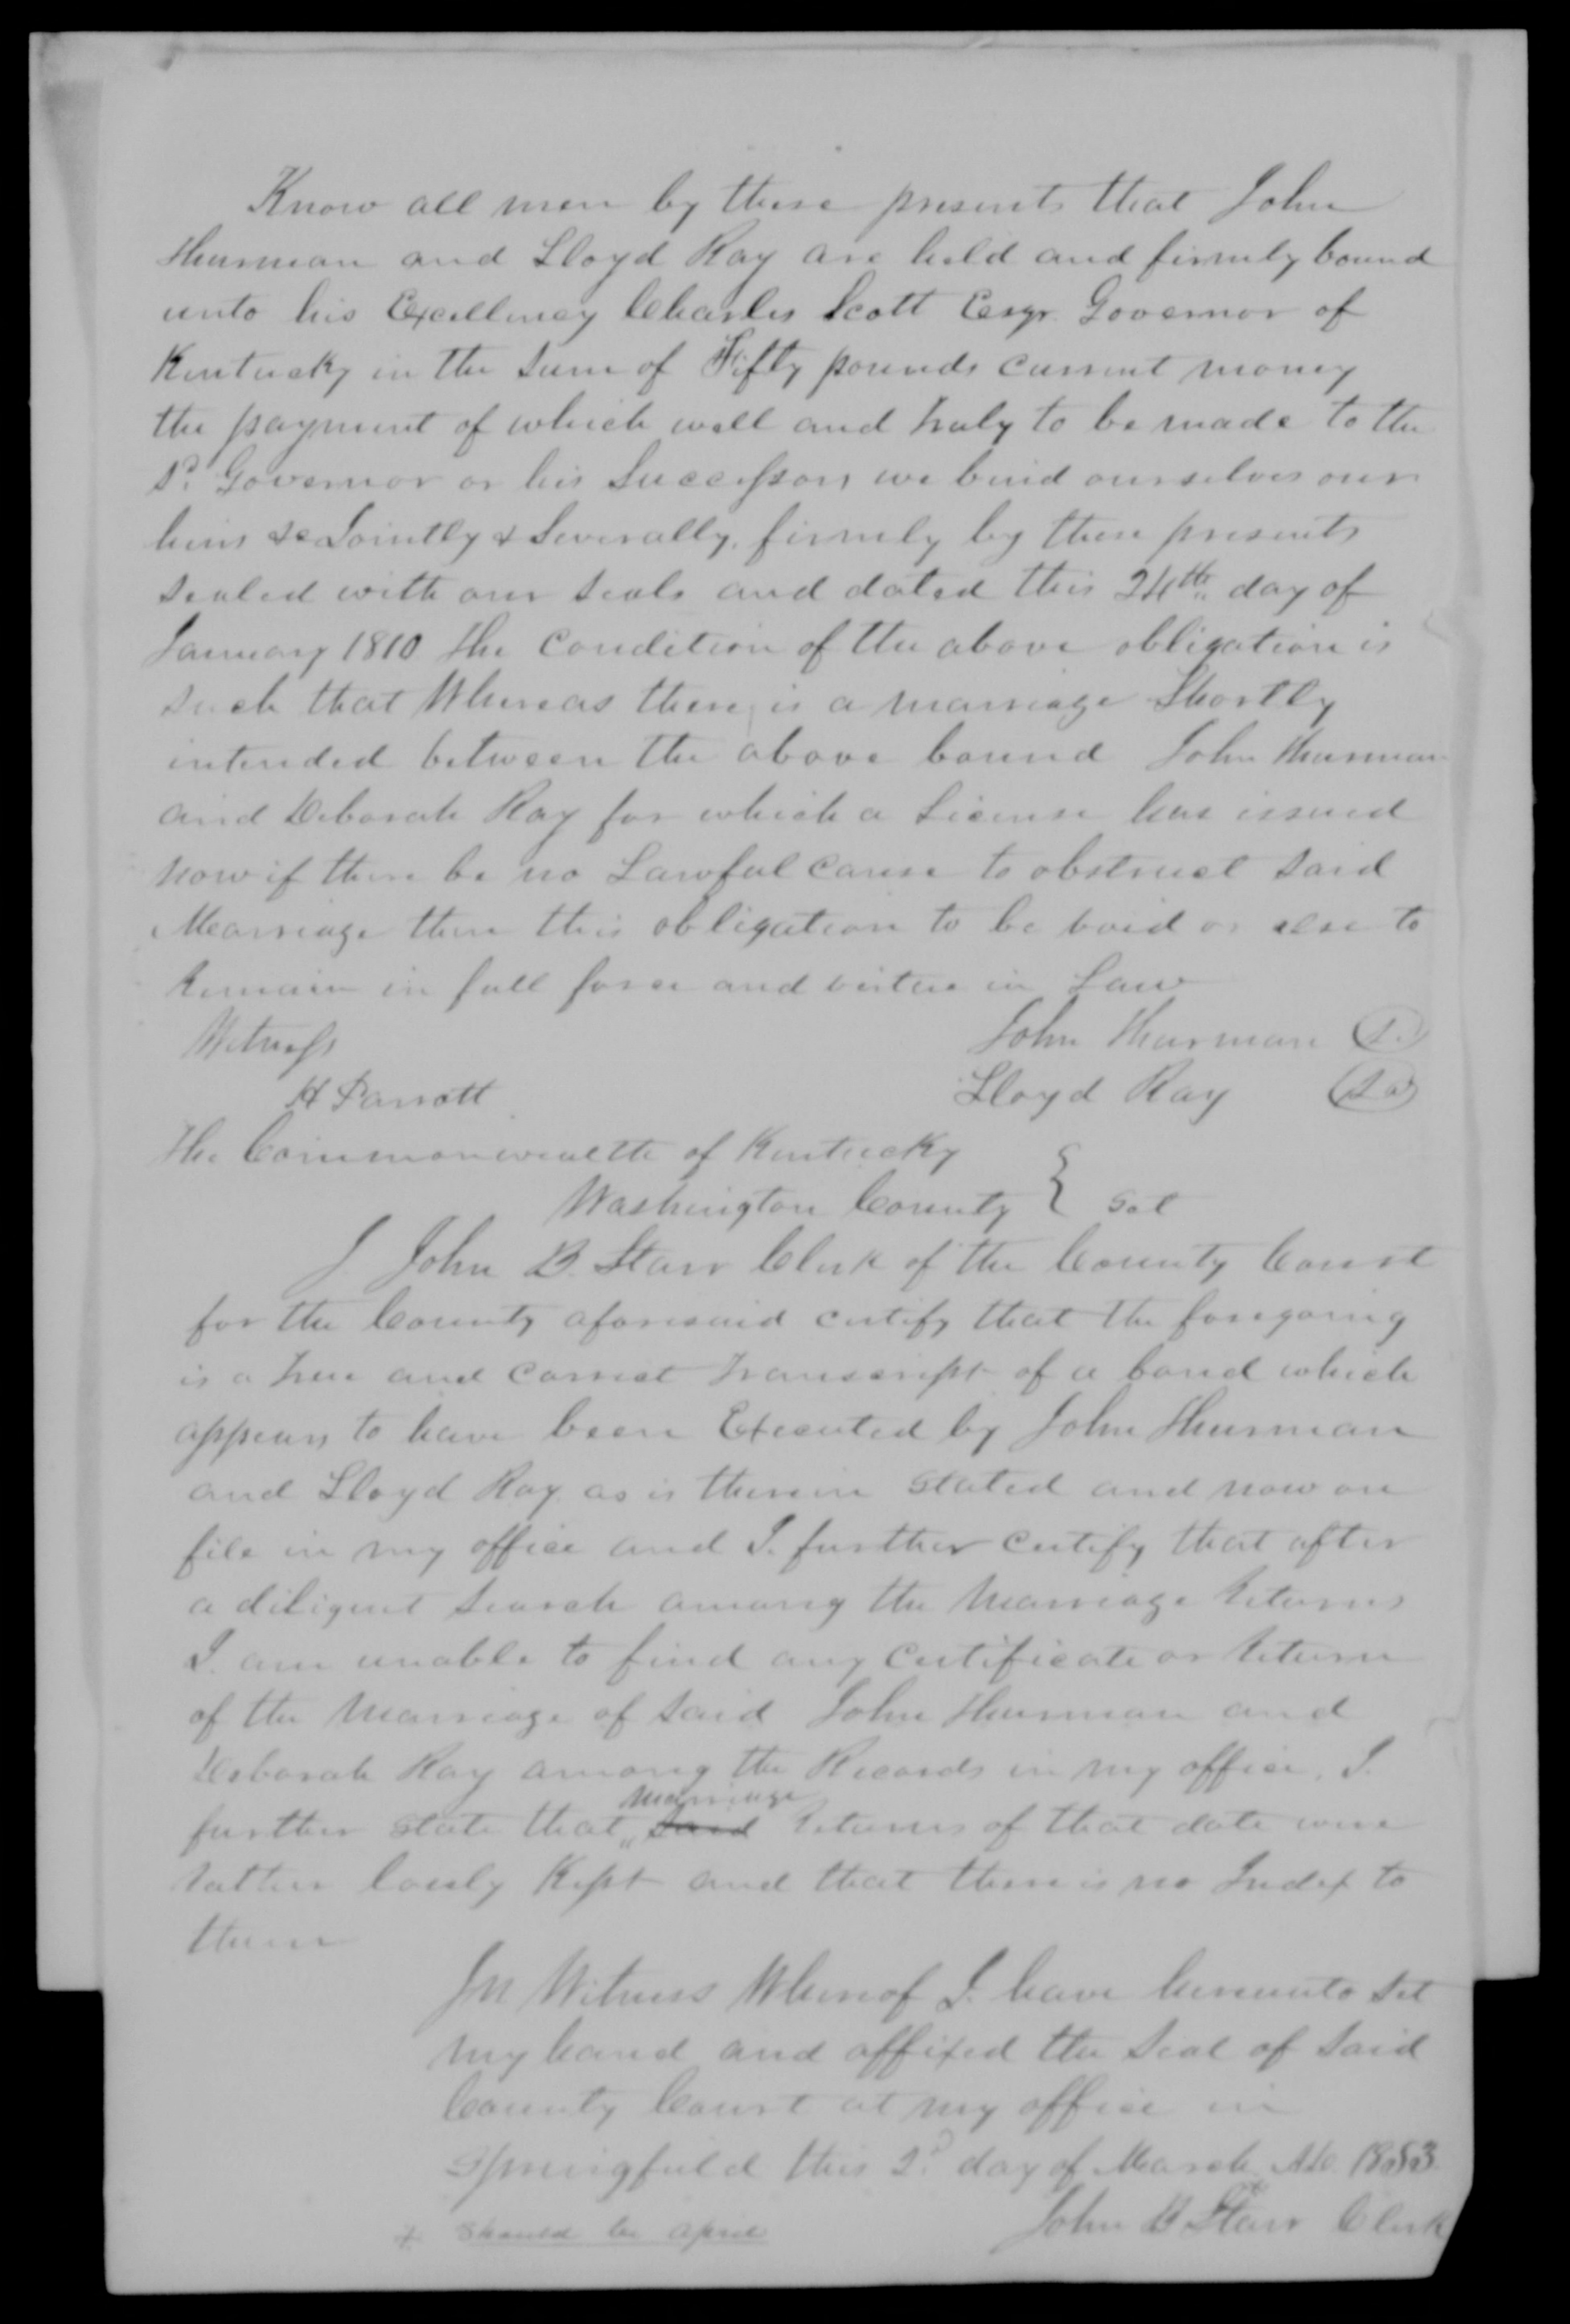Know all men by these presents that John Thurman and Lloyd Ray are held and firmly bound into his Excellency Charles Scott Esqr. Governor of Kentucky in the sum of fifty pounds current money the payment of which well and holy to be made to the s'd [said] Governor or his Successors we bind ourselves our heirs & Jointly & Severally , firmly by these presents sealed with our seals and dated this 24th day of January 1810 The condition of the above obligation is such that whereas there is a marriage Shortly intended between the above bound John Thurman and Deborah Ray for which a license has issued now that there be no Lawful cause to obstruct said Marriage then this obligation to be void or else to remain in full force and virtue in Law. 
John Thurman 
Lloyd Ray 
Witness  H. Parrott 
The Commonwealth of Kentucky
Washington County Set
I John B Starr Clerk of the County Court for the County aforesaid certify that the foregoing is a true and correct transcript of a bond which
appears to have been Executed by John Thurman and Lloyd Ray as is therein stated and now on file in my office and I further certify that after a diligent search among the marriage returns I am unable to find any certificate or return of the Marriage of said John Thurman and Deborah Ray among the Records in my office. I further state that marriage returns of that date were father lowly kept and that there is no Index to them
In Witness Whereof I have hereunto set
my hand and affixed the Seal of said
County Court at my office in
Springfield this 2d day of March AD 1853
should be April
John B Starr Clerk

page: 22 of 53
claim: widow's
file: W. 6,267, for John Thurman, Georgia